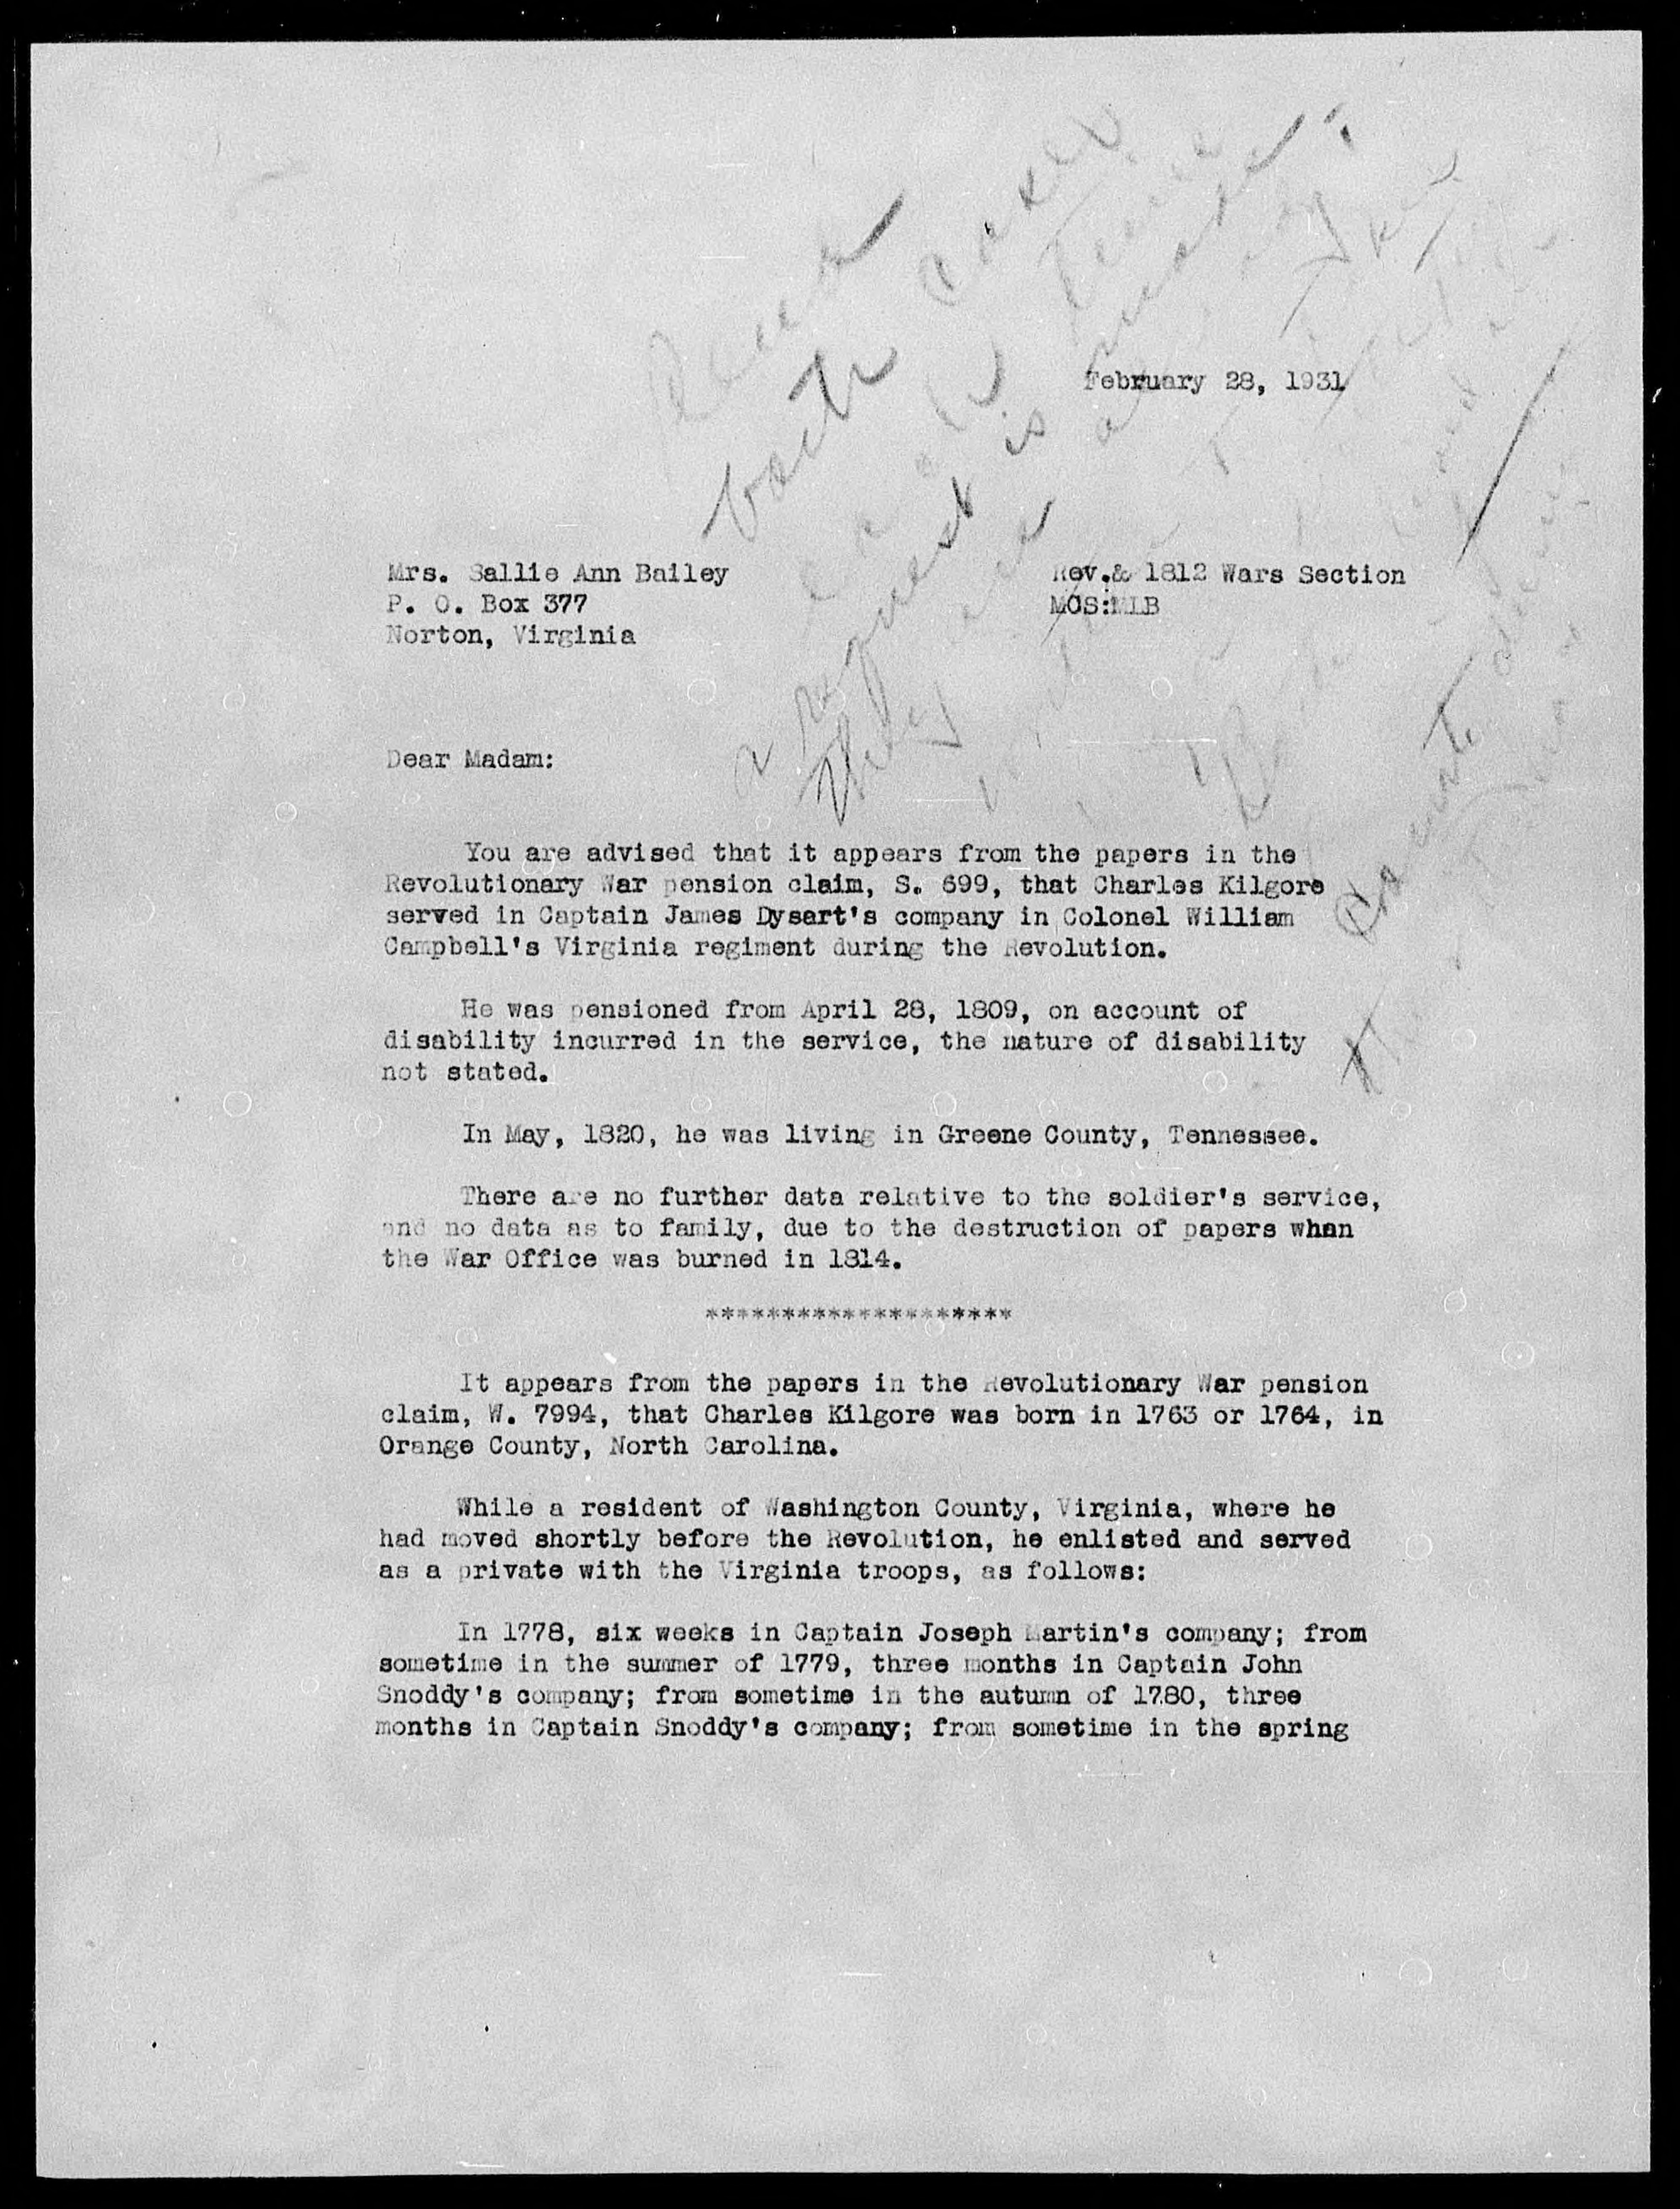Mrs. Sallie Ann Bailey
P. O. Box 377
Norton, Virginia

Rev. & 1812 Wars Section
MOS:MLB

Dear Madam:

You are advised that it appears from the papers in the Revolutionary War pension claim, S. 699, that Charles Kilgore served in Captain James Dysart's company in Colonel William Campbell's Virginia regiment during the Revolution.
He was pensioned from April 28, 1809, on account of disability incurred in the service, the nature of disability not stated.
In May, 1820, he was living in Greene County, Tennessee.
There are no further data relative to the soldier's service, and no data as to family, due to the destruction of papers when the War Office was burned in 1814.

It appears from the papers in the Revolutionary War pension claim, W. 7994, that Charles Kilgore was born in 1763 or 1764, in Orange County, North Carolina.
While a resident of Washington County, Virginia, where he had moved shortly before the Revolution, he enlisted and served as a private with the Virginia troops, as follows:
In 1778, six weeks in Captain Joseph Martin's company; from sometime in the summer of 1779, three months in Captain John Snoddy's company; from sometime in the autumn of 1780, three months in Captain Snoddy's company; from sometime in the spring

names: Sallie Ann Bailey; Charles Kilgore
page: 107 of 115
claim: survivor's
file: S. 699, for Charles Kilgore, Virginia